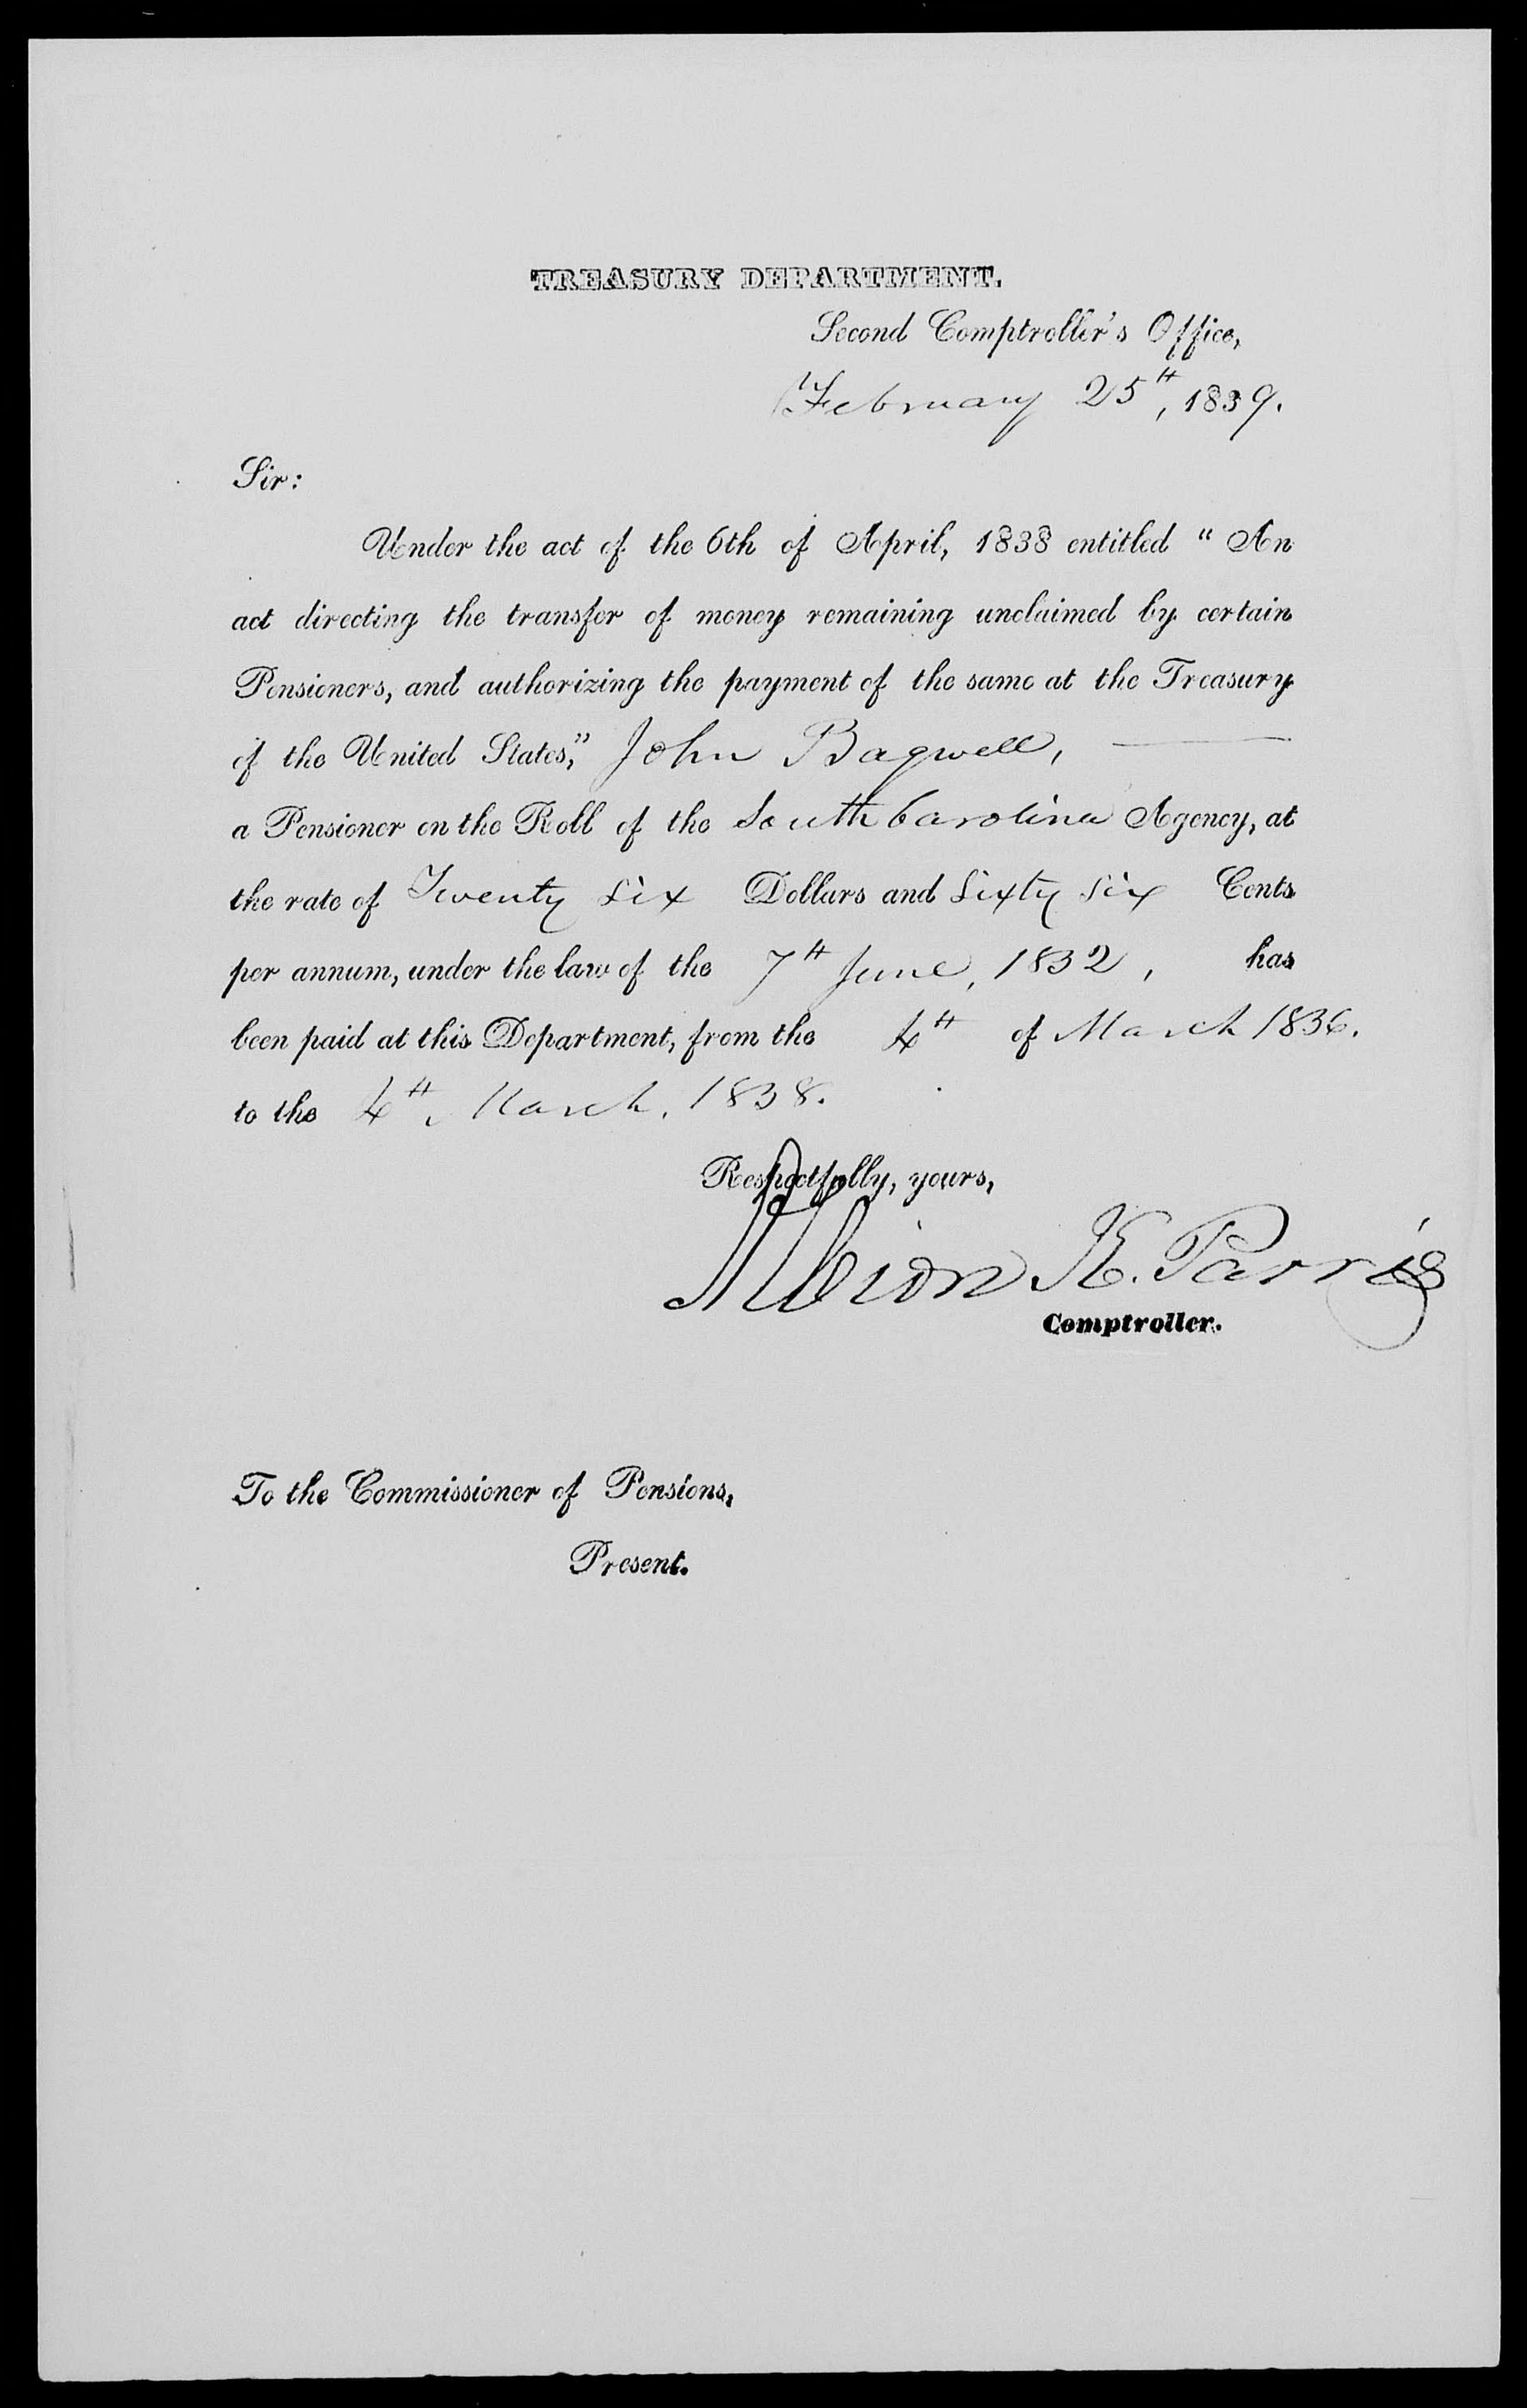Treasury Department, Second Comptroller's Office, February 25th, 1839, Sir: Under the act of the 6th of April, 1838 entitled An act directing the transfer of money remaining unclaimed by certain pensioners, and authorizing the payment of the same at the Treasury of the United States John Bagwell, a Pensioner on the roll of the south carolina agency at the rate of twenty six dollars and sixty six cents per annum, under the law of the 7th June, 1832, has been paid at this Department, from the 4th of March 1836 to the 4th, March 1838. Respectfully yours, Albion K Parris, Comptroller. To the Commissioner of Pensions, Present.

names: John Bagwell, Albion K Parris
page: 35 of 36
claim: survivor's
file: S 6571, John Bagwell, N.C.